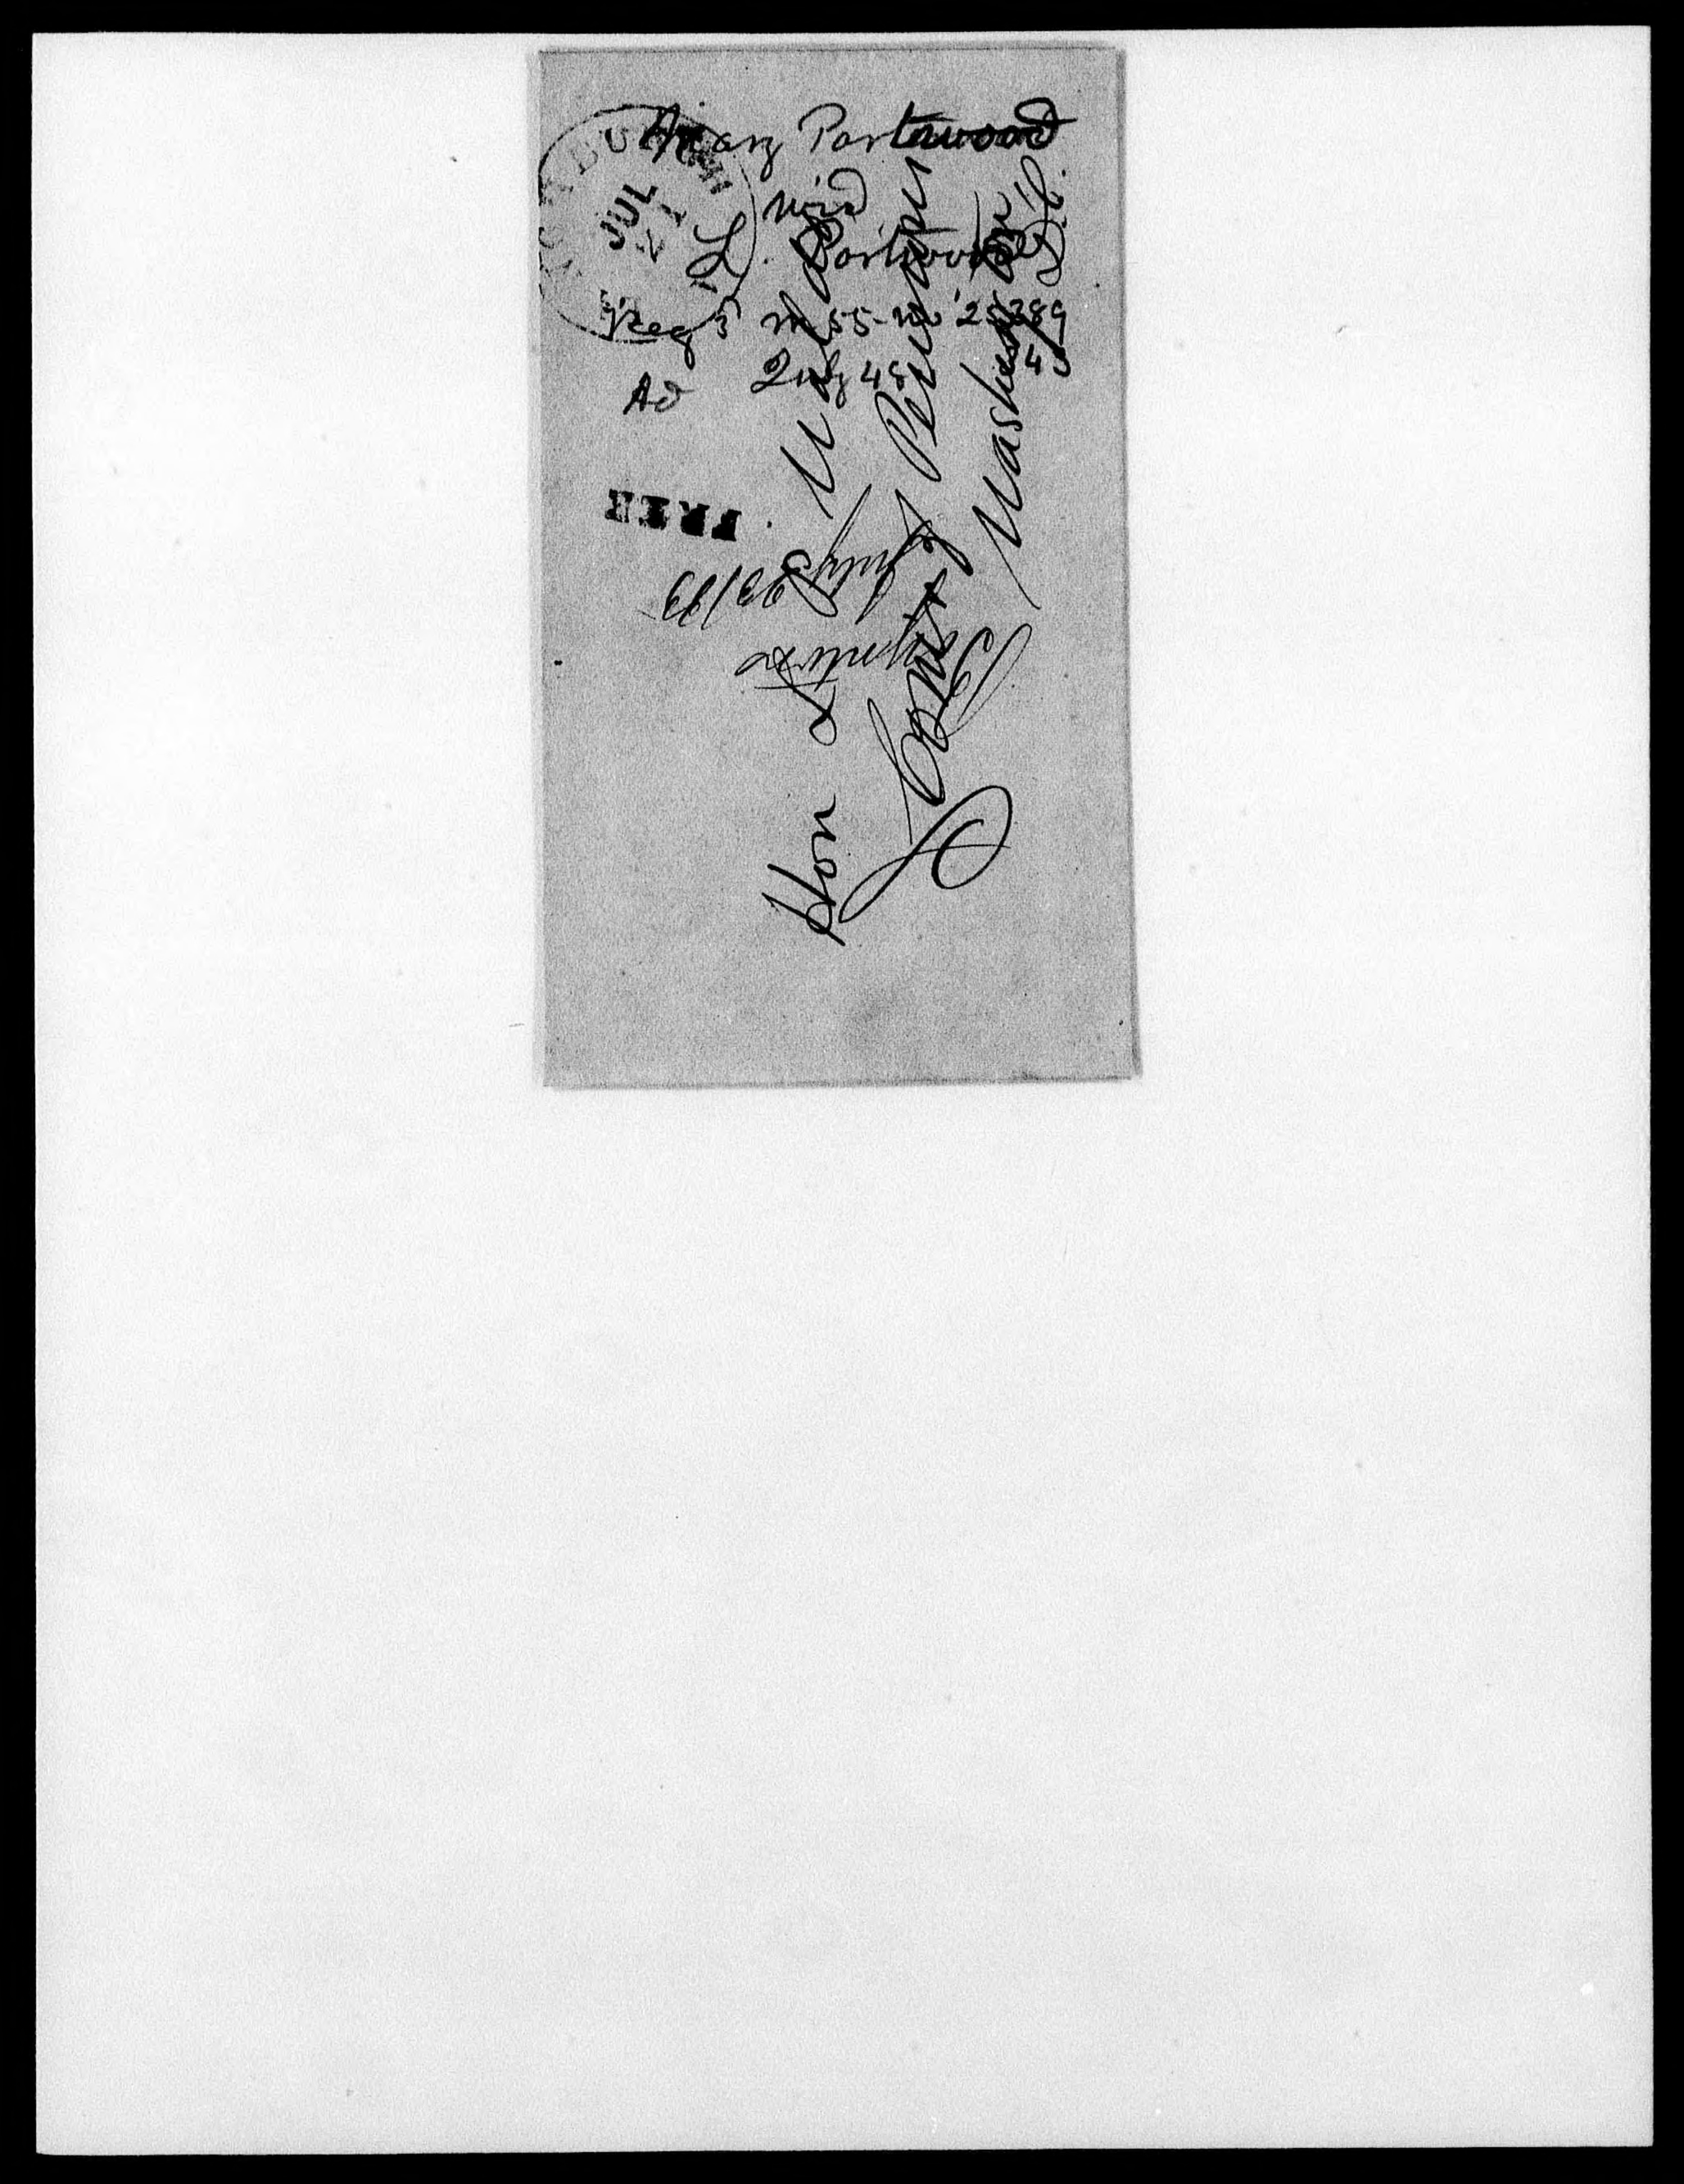[Postal stamp with]
LYNCHBURGH VA
JUL
21
[End stamp]
Mary Portwood
wid
L. Portwood
Reg 3 M 55-W '25389
Ad July 48 | 43
[Upside down on form]
Boynton
July 30 / 83
FREE
[Overwritten sideways on form]
Hon L P Waldo
Com'r of Pension
Washington
D.C.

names: [BLANK] Boynton; L Portwood; Mary Portwood; L P Waldo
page: 19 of 50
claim: widow's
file: W. 1929, for Lloyd Portwood, Virginia